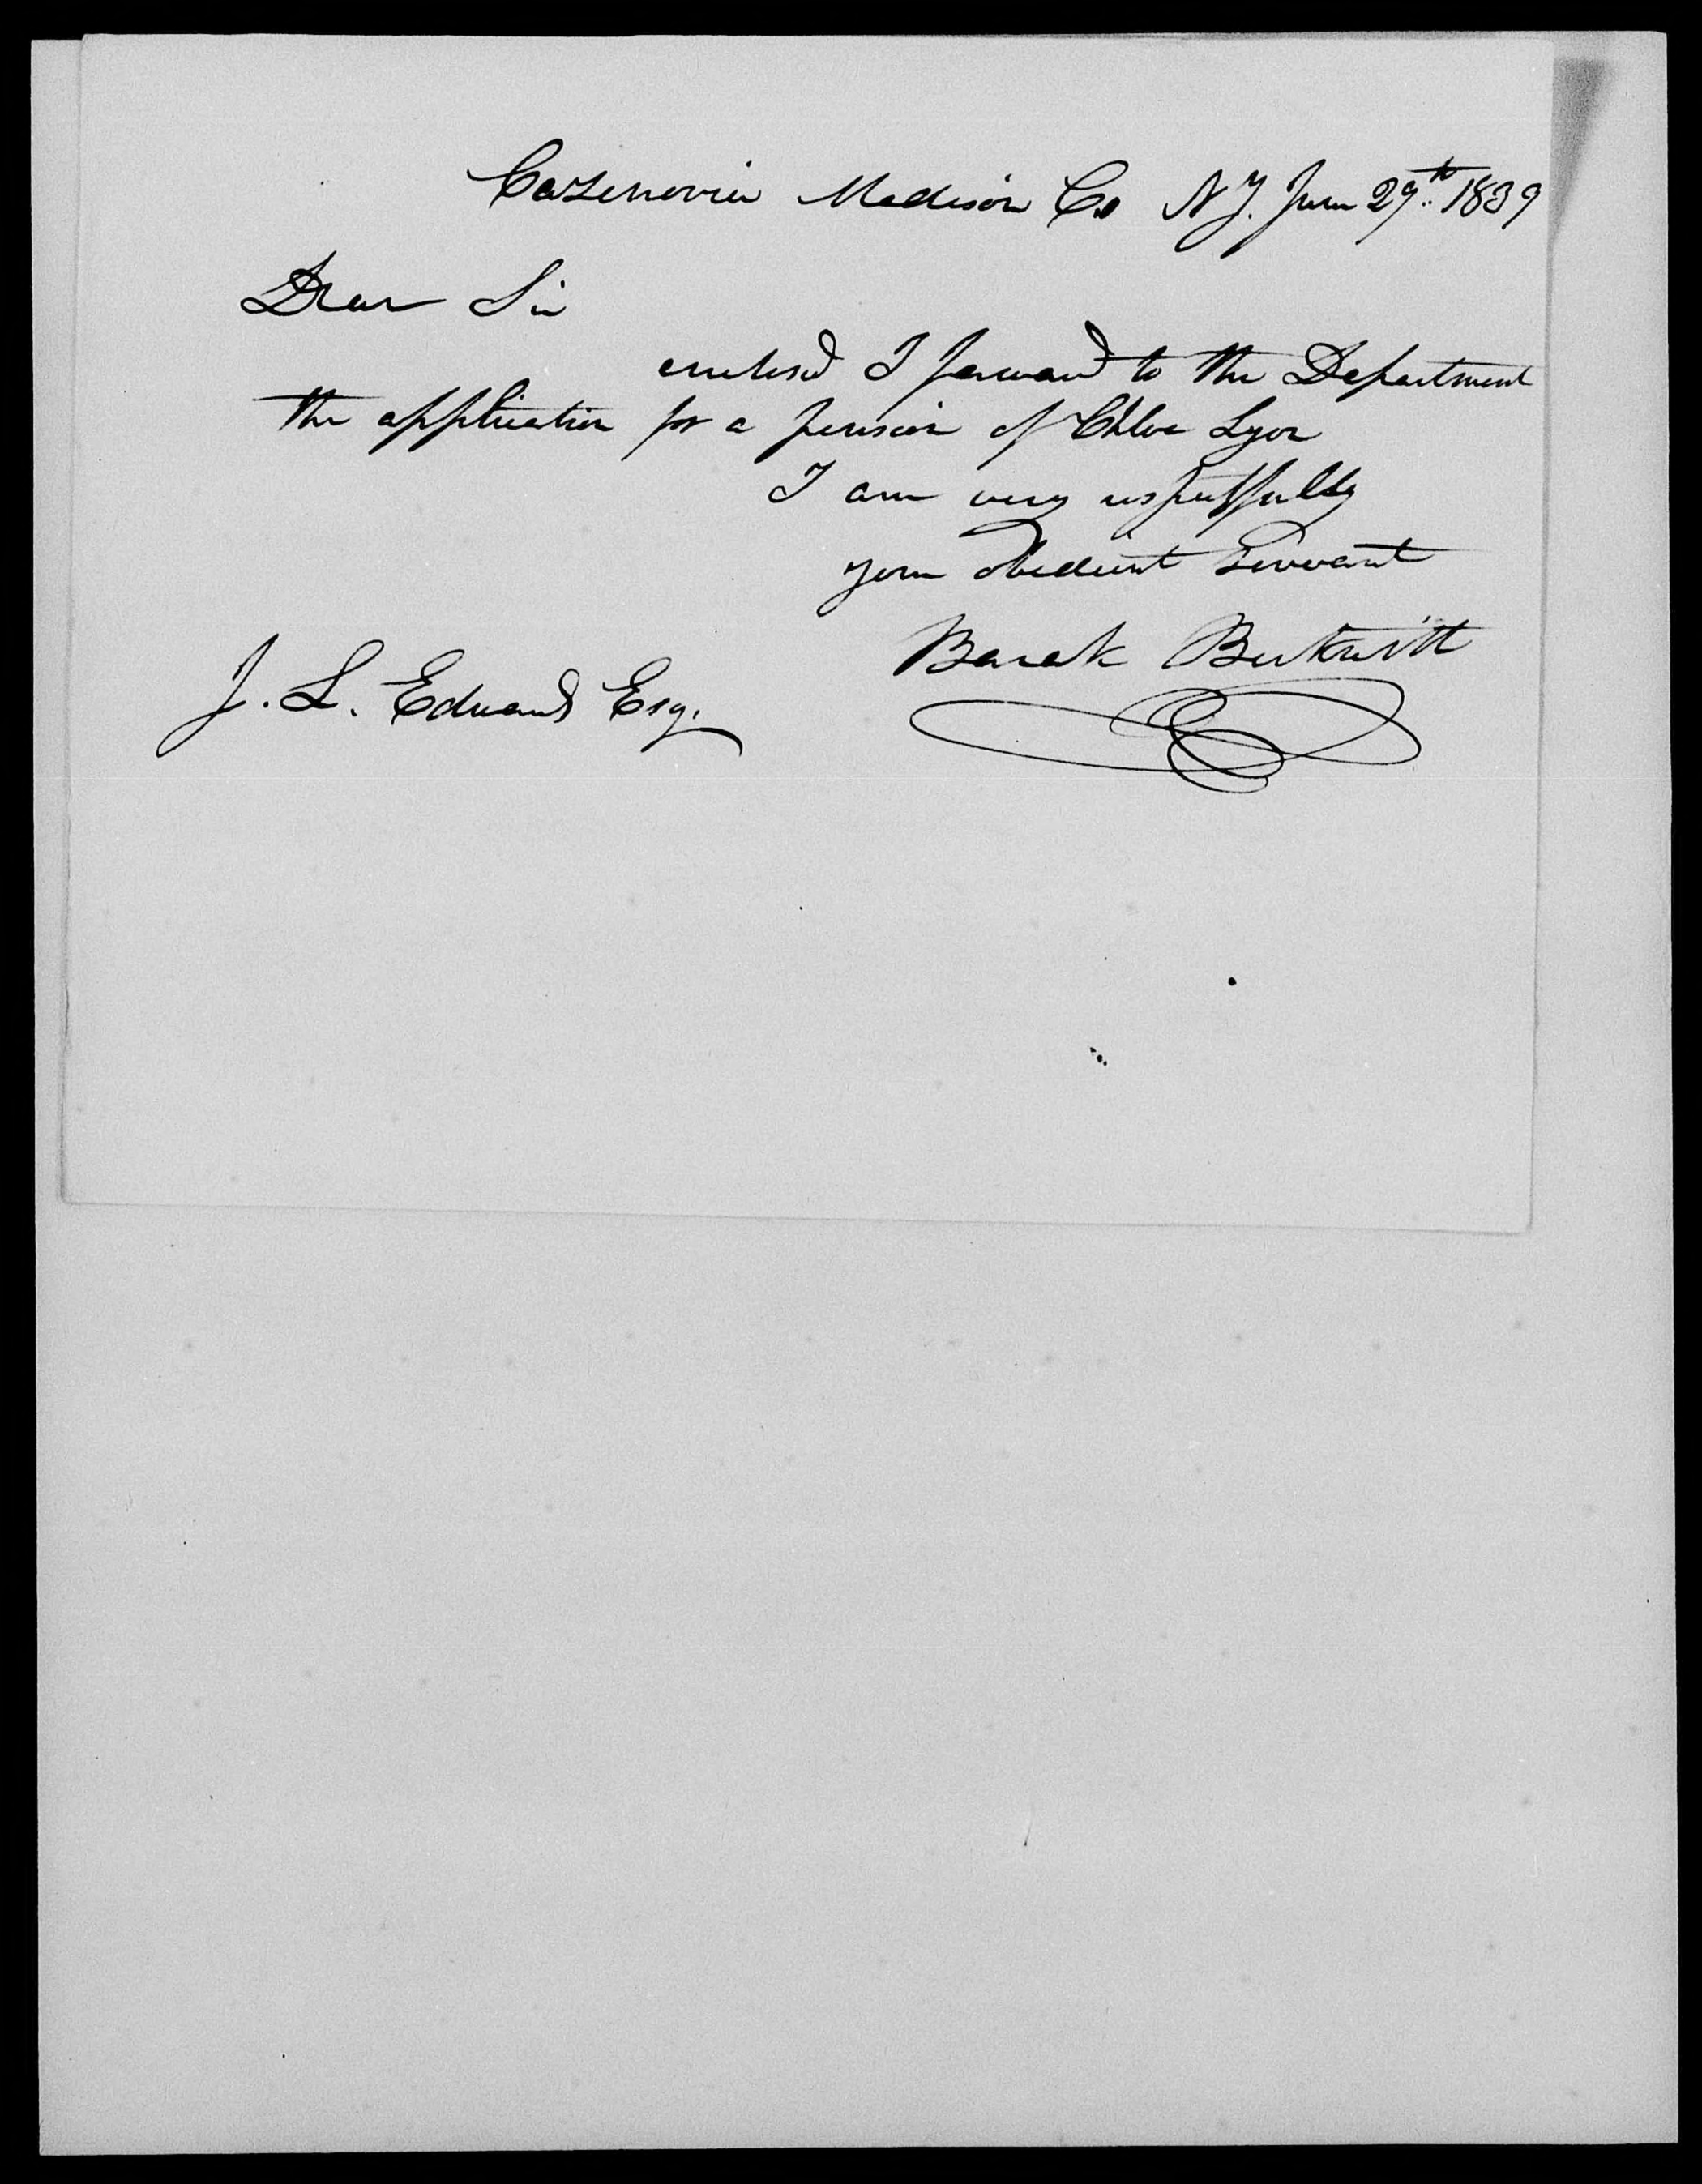Cazenovia Madison Co NY. June 29th 1839
Dear Sir
enclosed I forward to the Department the application for a pension of Chloe Lyon
I am very respectfully
your obedient servant
Barak Beckwith

J.L. Edward Esq.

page: 30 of 40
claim: widow's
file: W. 24,615, for Ebenezer Lyon, Connecticut